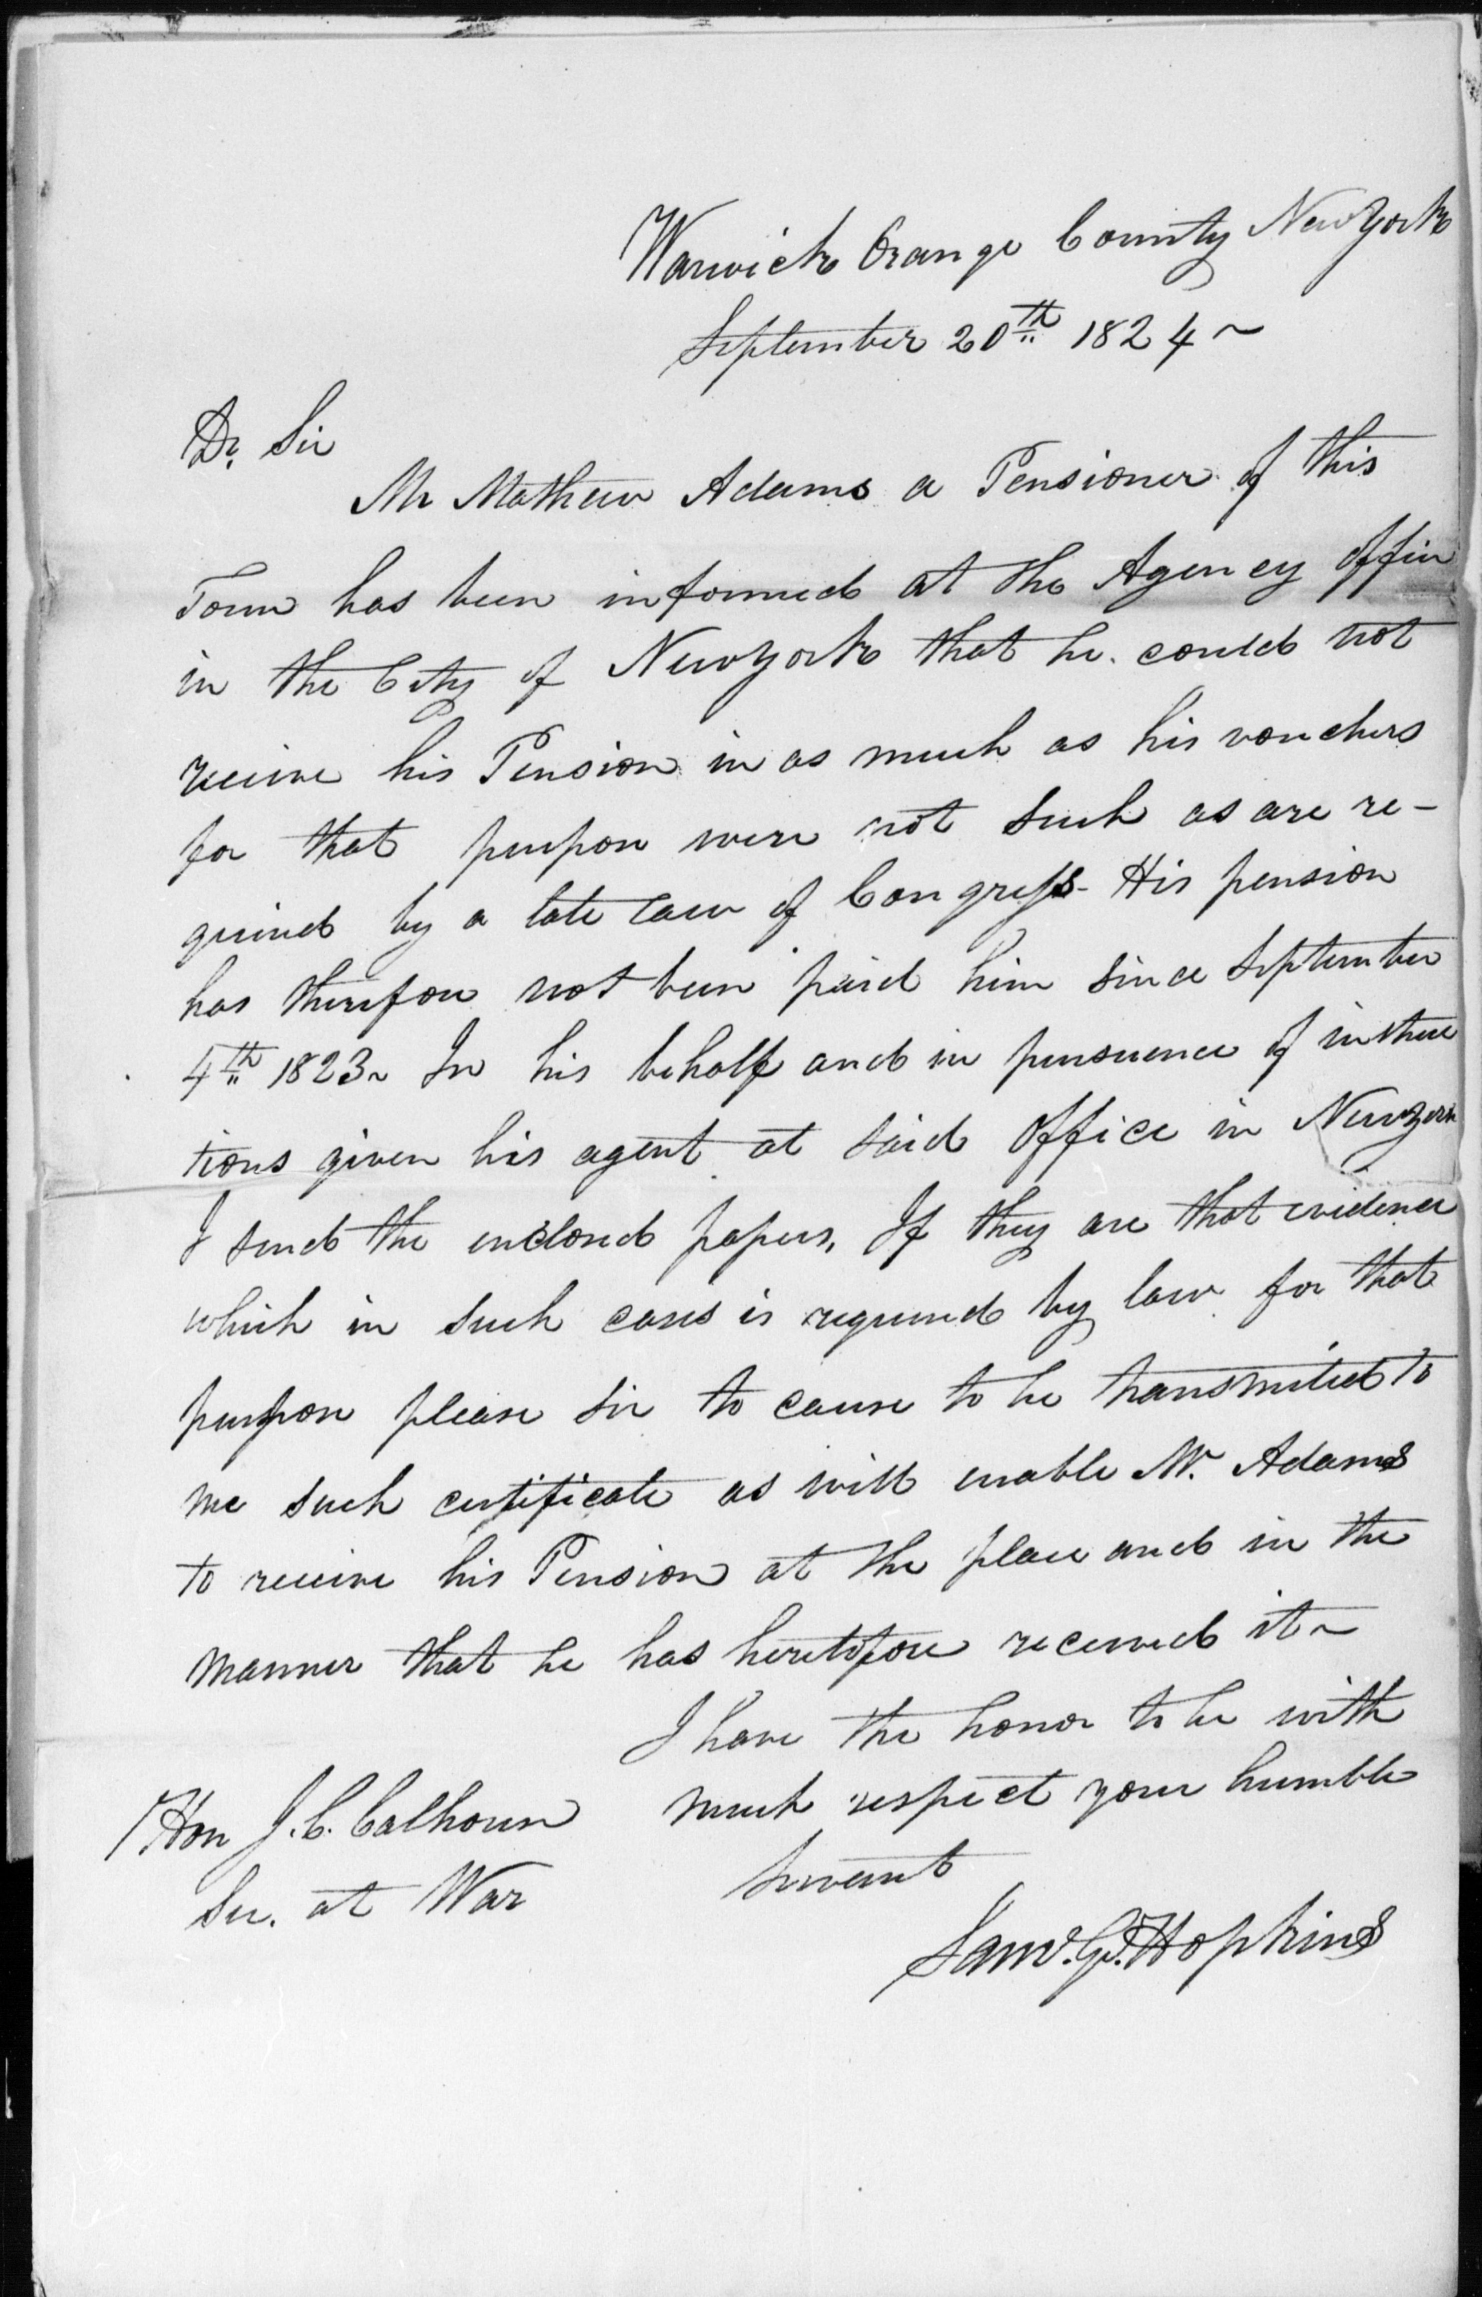Warwick, Orange County, New York
September 20Th 1824
D. Sir.
Mr. Mathew Adams a pensioner Of this town has been informed At the agency office in the city of New York That he could not reissue His pension As much as his vouchers for that purpose were not such as Are required by a late law of Congress. His pension has therefore not been paid him since September 4, 1823. In his behalf and in. Presence of witnesses Given his agent At office in New York. I send The enclosed papers, if they are Evidence, which in such cases is required by law, for that purpose. Please, sir, to cause to be transmitted to me such certificate, as will unable M. Adams to reissue His pension At the place and in the manner That he Has heretofore received it. I have the honor to be With much respect your humble servant.
Sam. G. Hopkins
Hon. J.C. Calhoun
Sec. At War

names: J C Calhoun, Saml G Hopkins, Adams, Mathew Adams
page: 10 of 13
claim: survivor's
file: S. 28,212, Mathew Adams, New York